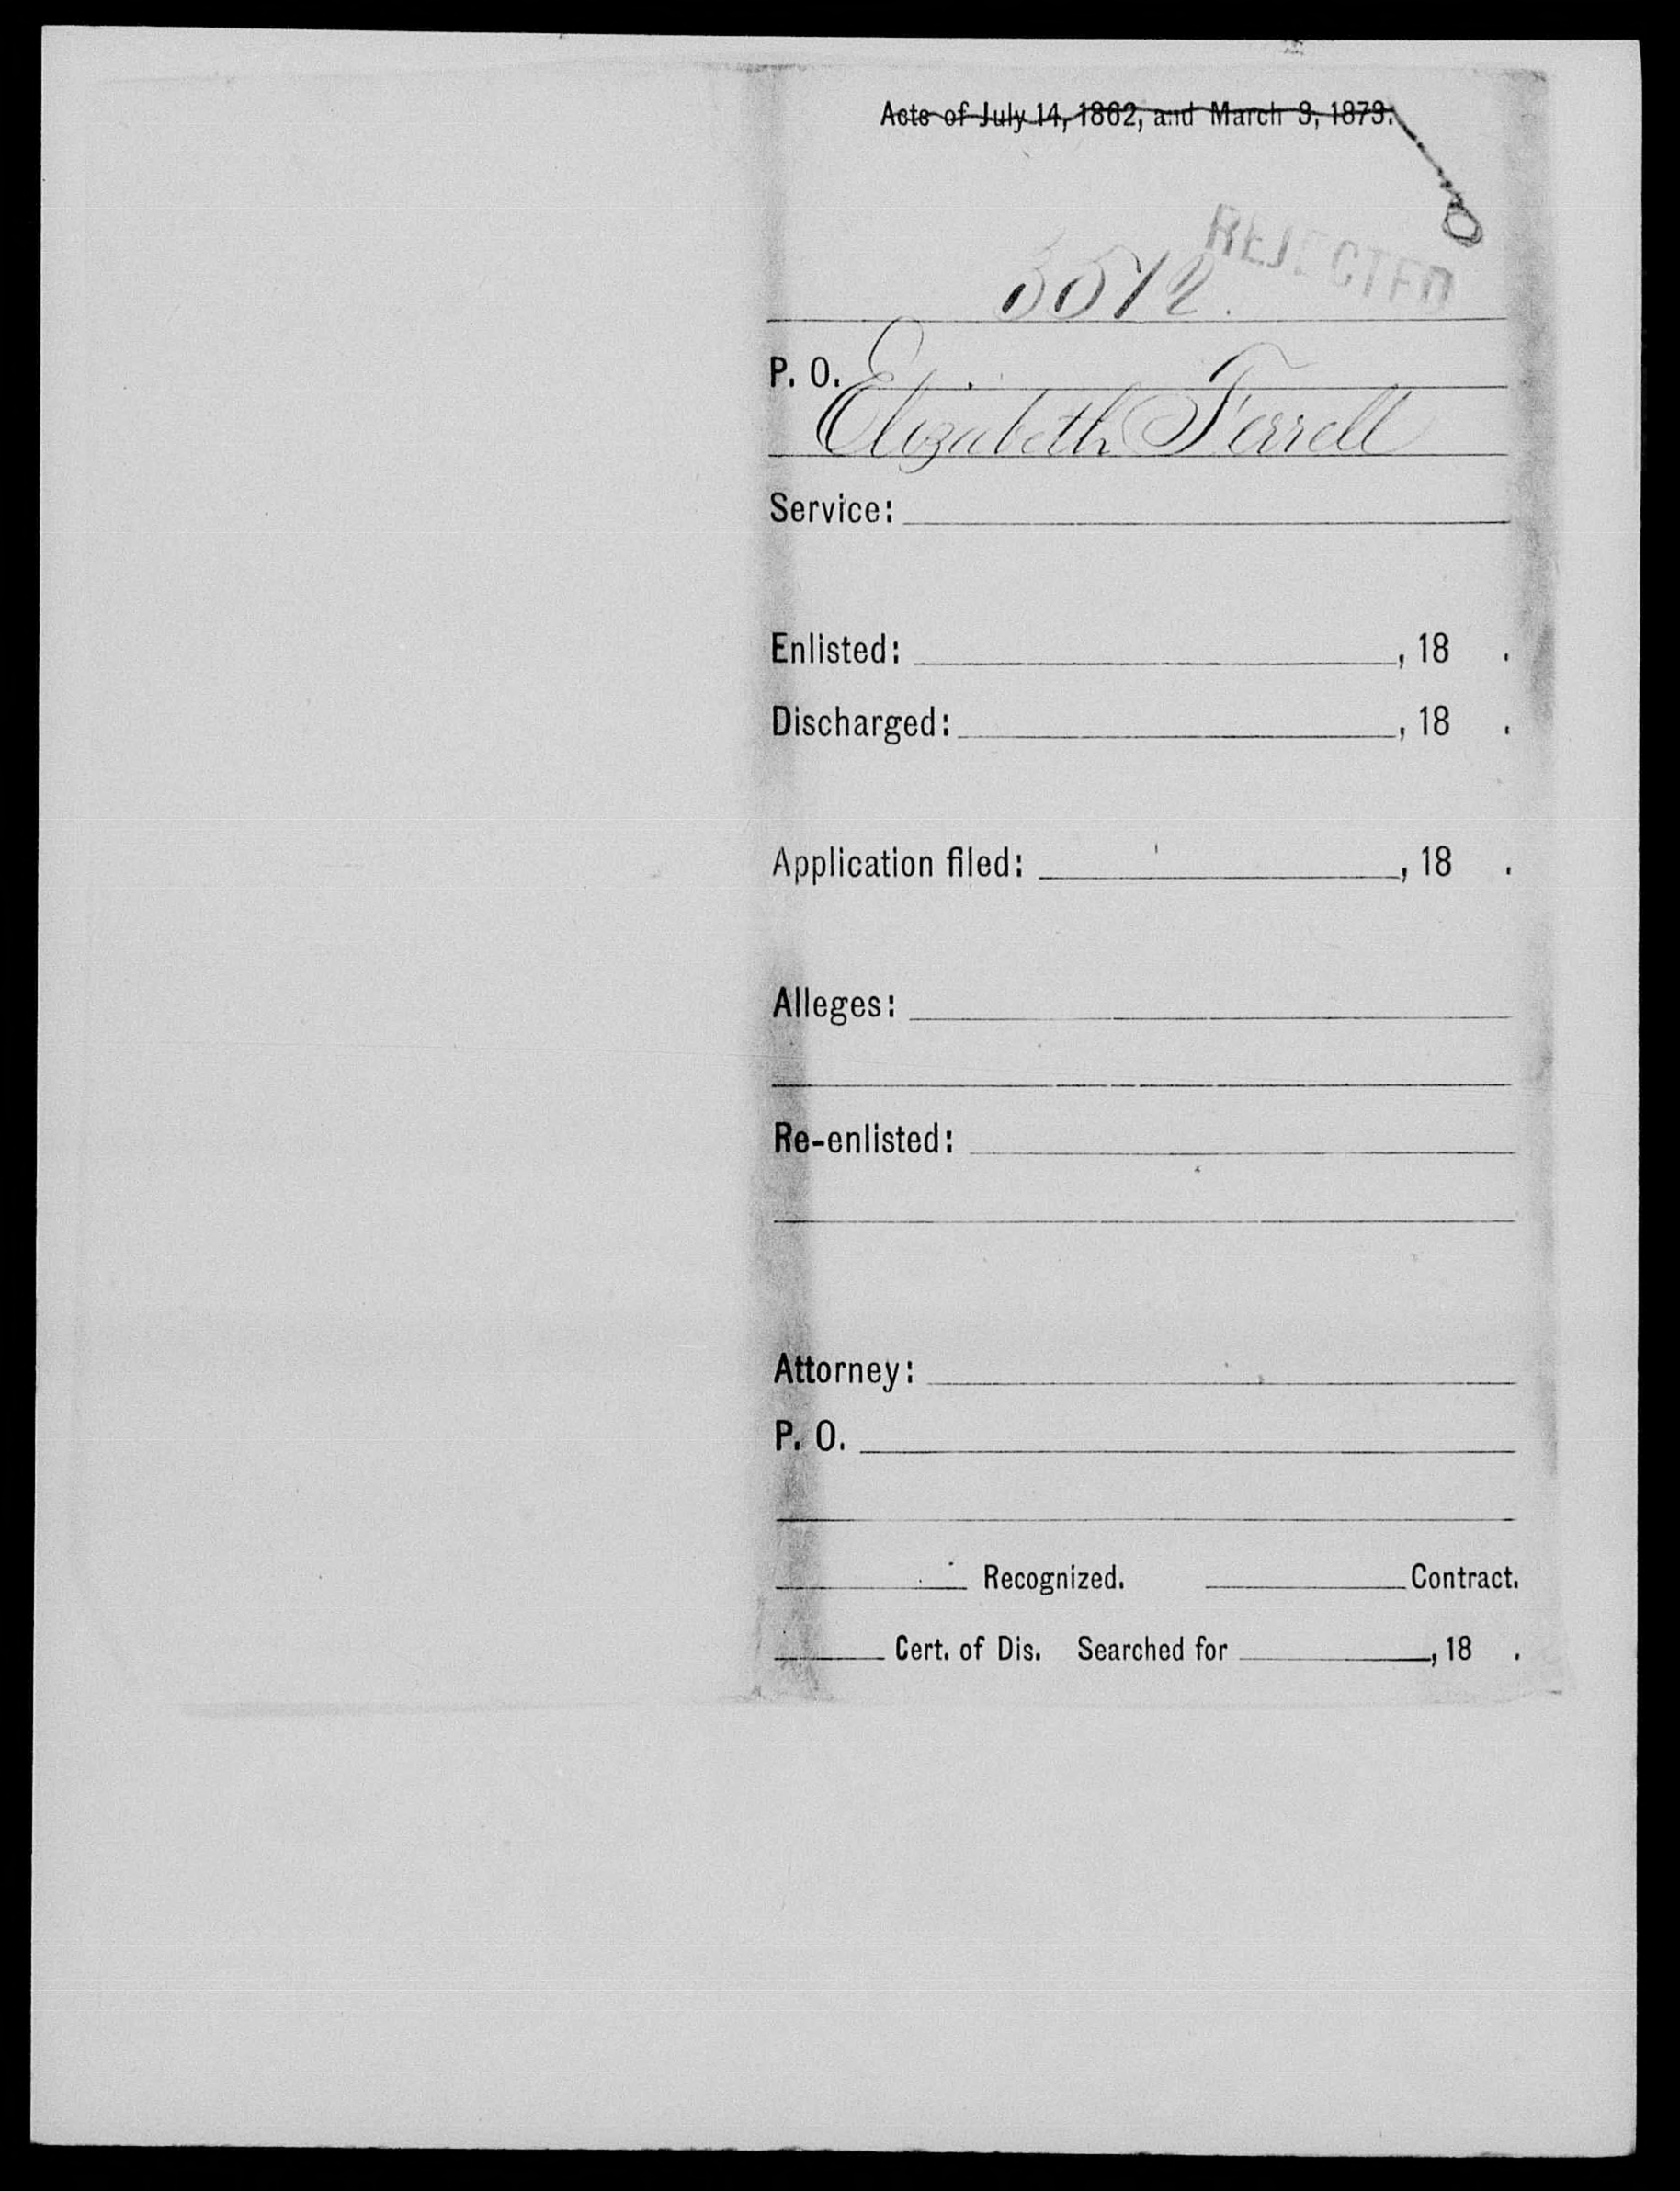REJECTED
3512
P.O. Elizabeth Ferrell
Service:
Enlisted: 
Discharged:
Application filed:
Alleges:
Re-enlisted:
Attorney:
P.O.
Recognized.
Contract.
Cert. of Dis. Searched for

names: Elizabeth Ferrell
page: 15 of 52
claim: rejected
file: R. 3,512, John Ferrell, N.C.